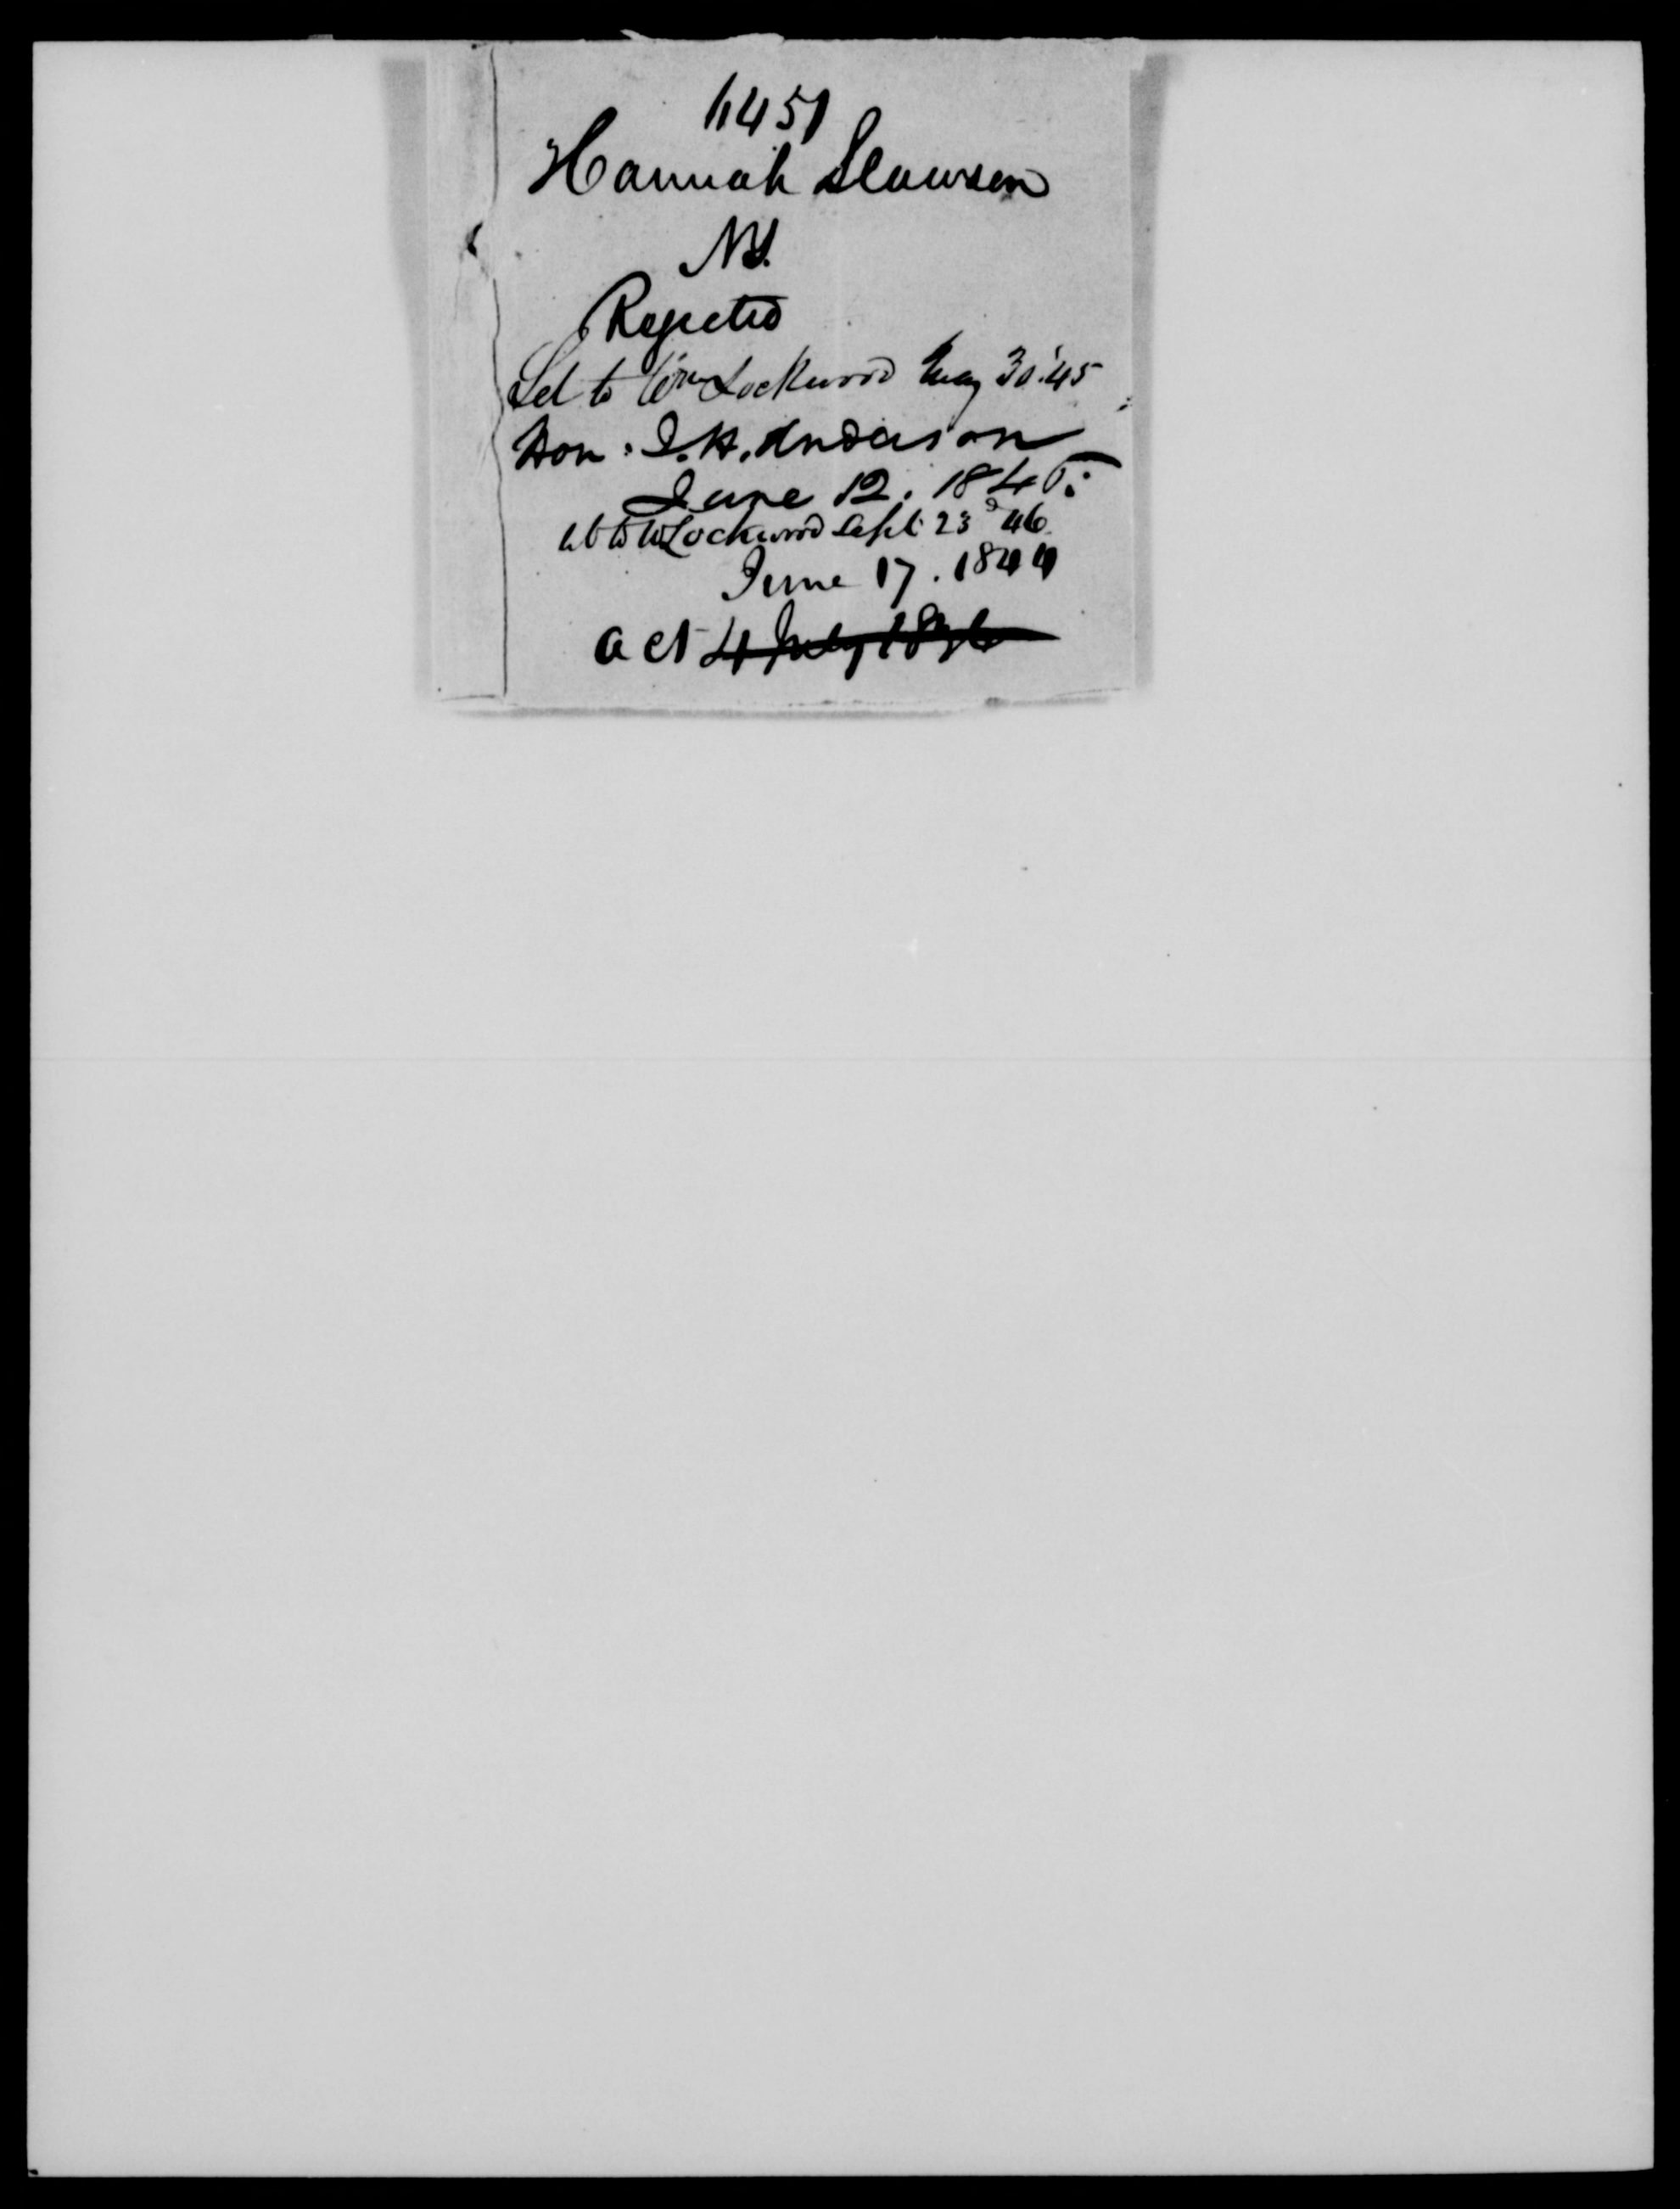6451 
Hannah Slawson NY 
Rejected
Let to Wm. Lockwood July 30 ‘45
Hon J. H. Anderson  June 12, 1846 
Let to W. Lockwood Sept 23 ‘46
Act June 17 1844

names: J H Anderson; Wm Lockwood; Hannah Slawson; W Lockwood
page: 37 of 87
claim: widow's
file: W. 22,226, for Nathan Slawson, Connecticut